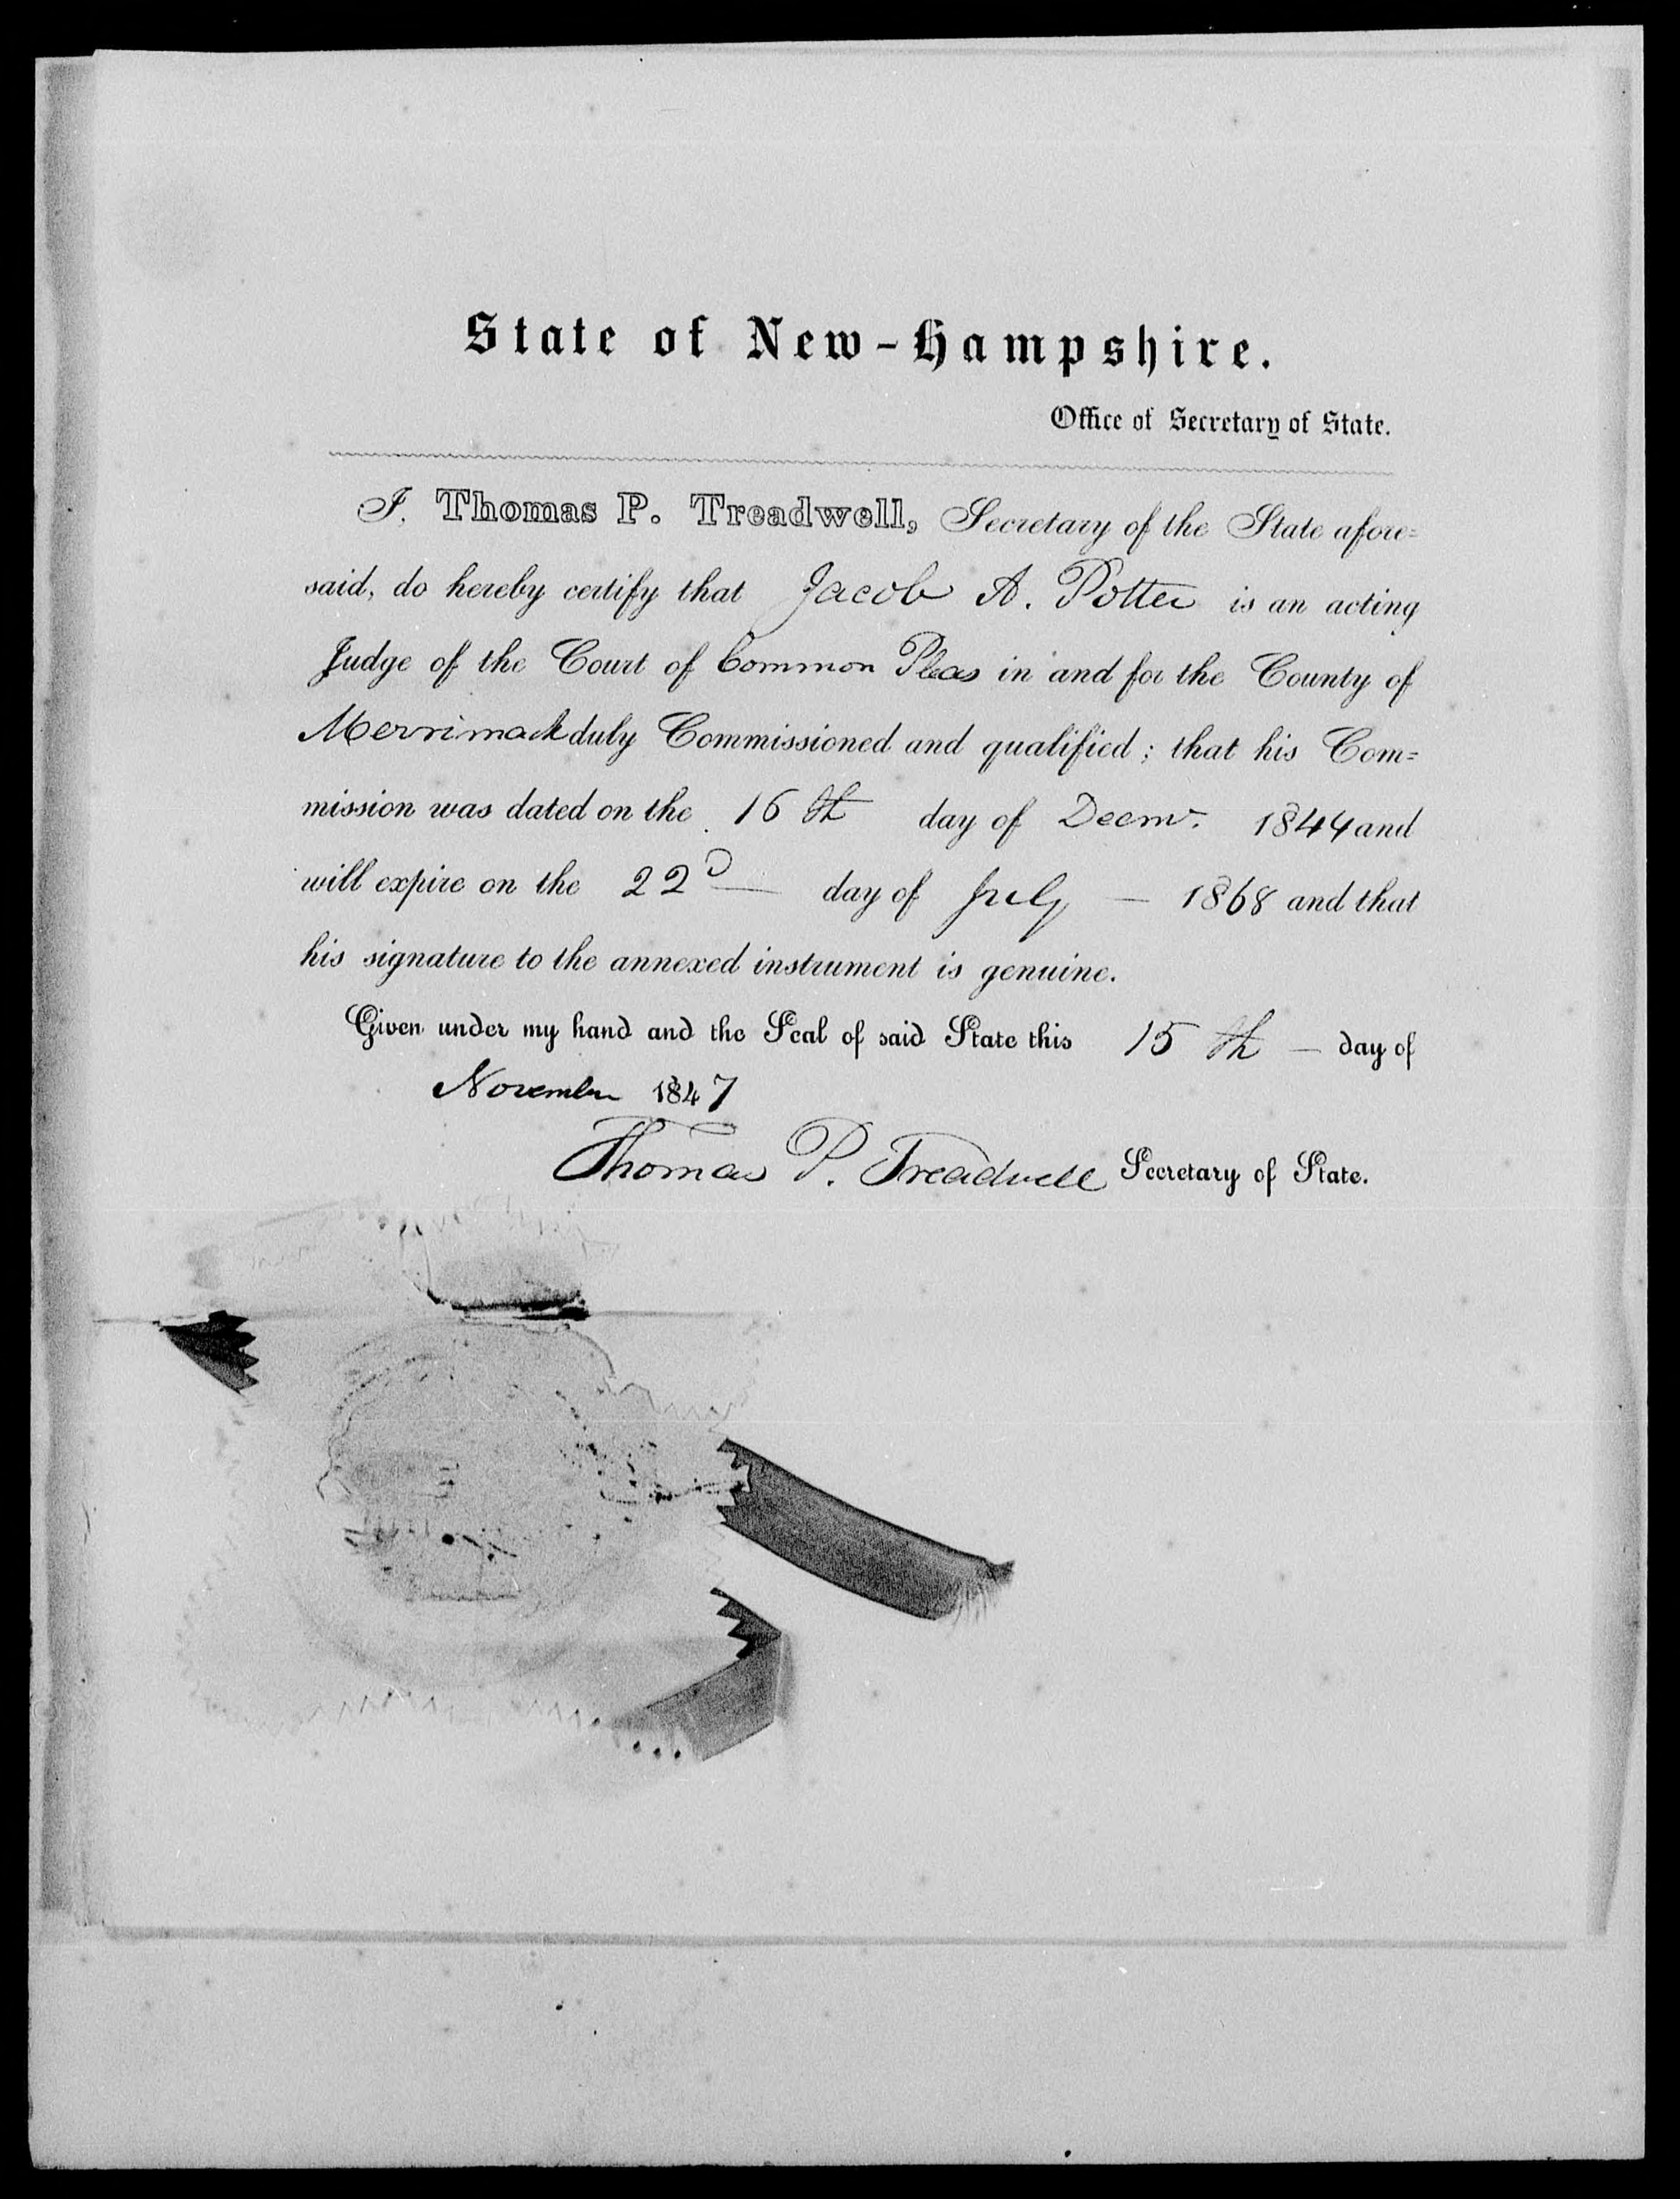State of New-Hampshire
Office of Secretary of State.
I, Thomas P. Treadwell, Secretary of the State aforesaid,
Do hereby certify that Jacob A. Potter is an acting
Judge of the Court of Common Pleas in and for the County of 
Merrimack duly Commissioned and qualified; that his Commission
Was dated on the 16th day old Decm. 1844 and 
Will expire on the 22 - day of July - 1868 and that
His signature to the annexed instrument is genuine. 
Given under my hand and the Seal of said State this 15th - day of
November 1847
Thomas P. Treadwell Secretary of State.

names: Thomas P Treadwell, Jacob A Potter, Thomas P Treadwell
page: 45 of 57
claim: widow's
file: W. 23217, Thomas Haines, N H